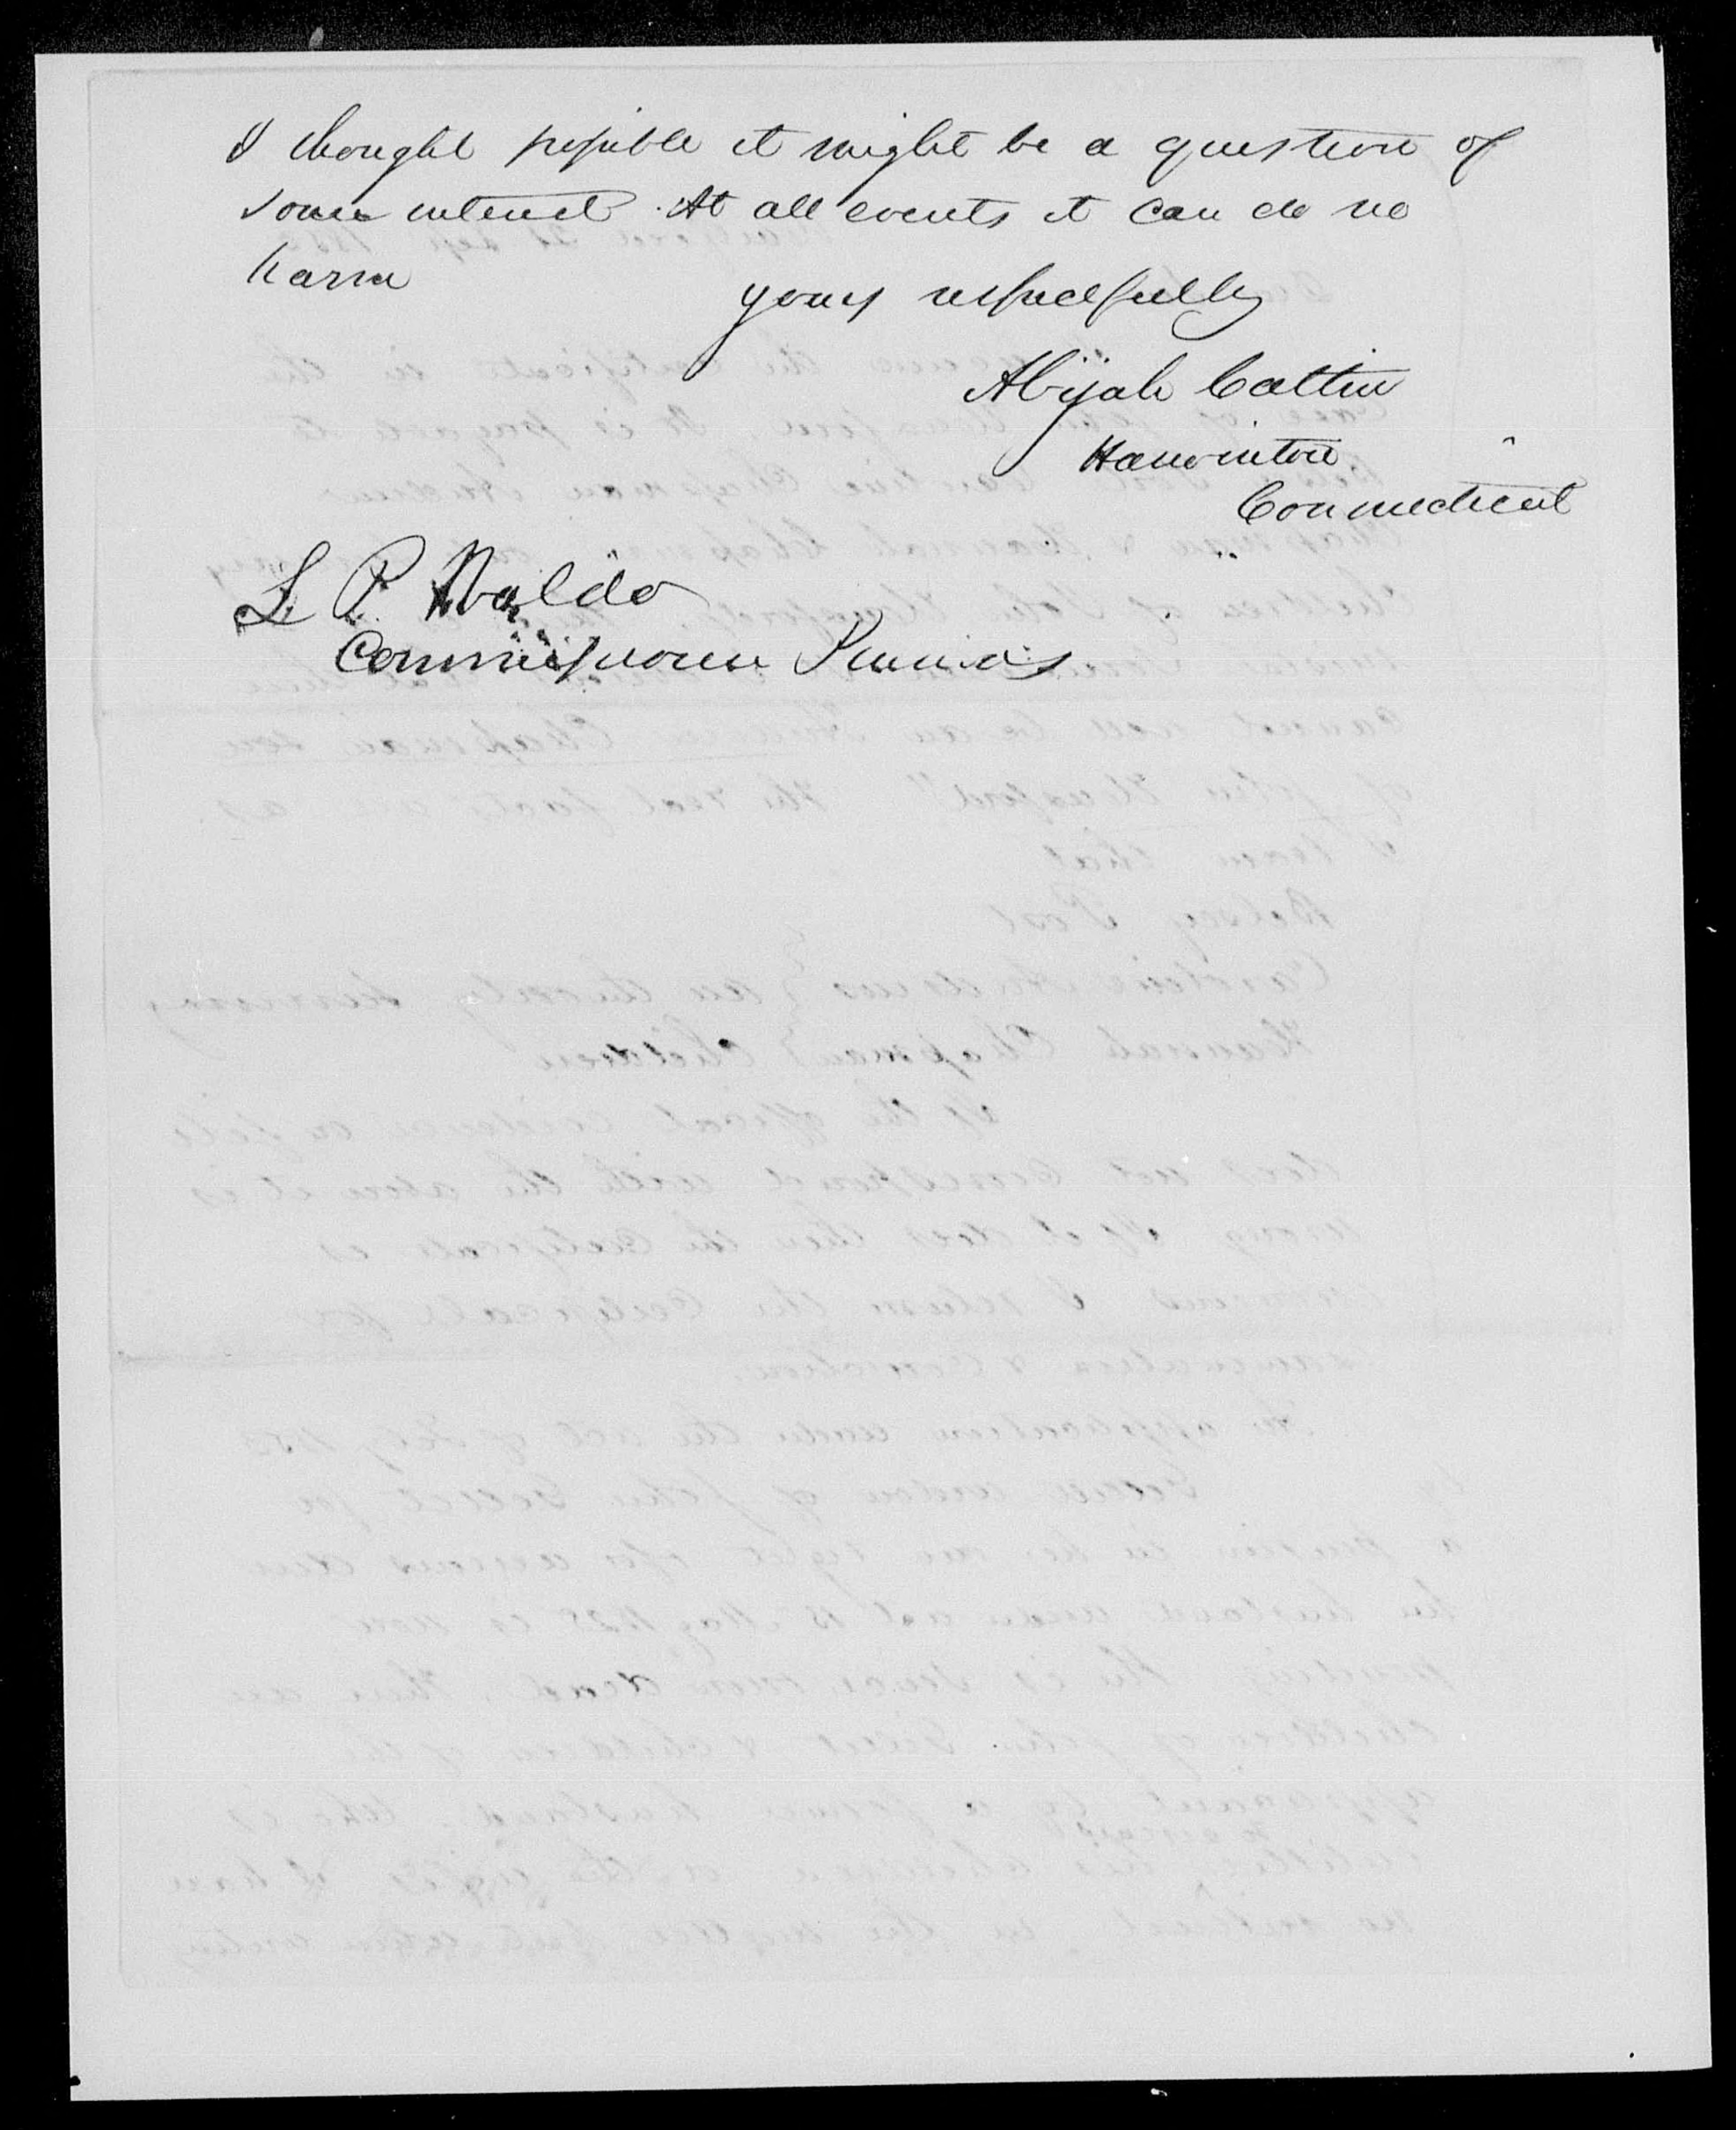I thought possible it might be a question of some interest   At all events it can do no harm

                                            Yours repectfully
                                               Abijah Catlin         
                                                  Harwinton 
                                                     Connecticut

L/P/ Waldo
Commissioner Pension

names: L P Waldo, Abijah Catlin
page: 26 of 40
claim: survivor's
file: S. 36,537 And R. 4034, John Gillet, Conn.